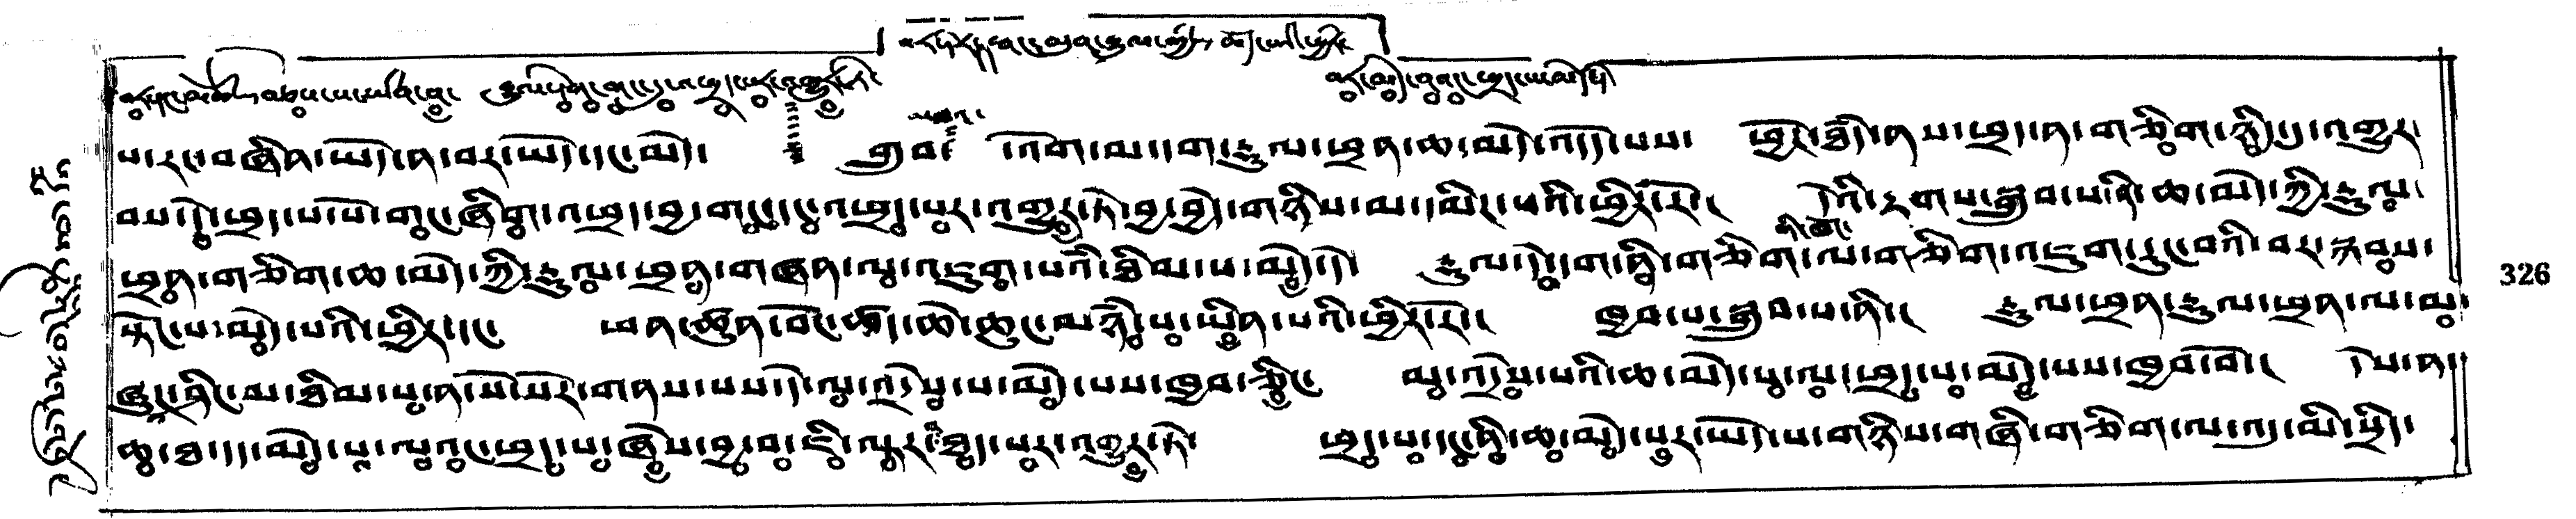པ་རང་བཞིན་ཡོད་ན་བར་ཡོད་དང་མེད། བར་དང་མཚམས་བཅས་པ་ཡིན་ན། རྡུལ་དེ་དག་གང་དུ་འཕྲད་པར་འགྱུར་ཏེ། བར་དེར་སྣང་མུན་རྡུལ་གྱིས་ཆོད་པའི་ཕྱིར། བར་མེད་ནའང་འཕྲད་པ་མེད་དེ། གྲུབ་མཐའ་འོག་མ་དག་རྡུལ་ཕྲན་ཆ་མེད་འདོད་པས། ཕྱོགས་ཐམས་ཅད་ནས་འཕྲད་ན་གཅིག་ཉིད་དུ་འགྱུར་
བས་དེ་འཕྲད་པ་པོ་གང་ཞིག་འཕྲད་བྱ་གང་དང་འཕྲད་པར་འགྱུར་ཏེ་བྱ་བྱེད་གཉིས་མ་དམིགས་པའི་ཕྱིར་རོ།། དེའི་རྟགས་སྒྲུབ་པ་ནི་ཆ་མེད་ཀྱི་རྡུལ་
ཕྲན་གཅིག་ཆ་མེད་ཀྱི་རྡུལ་ཕྲན་གཞན་ལ་འཇུག་པའམ་ཐིམ་པ་མེད་དེ། རྡུལ་དེ་དག་ནི་གཅིག་གི་ཁོངས་ལ་གཅིག་འཇུག་རུང་བའི་བར་སྐབས་
སྟོང་པ་མེད་པའི་ཕྱིར་དང་། ཕན་ཚུན་བོངས་ཚད་ཆེ་ཆུང་མཉམ་པ་ཡིན་པའི་ཕྱིར་རོ།། ཁྱབ་པ་སྒྲུབ་པ་ནི། རྡུལ་ཕྲན་རྡུལ་ཕྲན་ལ་མ་
ཞུགས་ཤིང་མ་ཐིམ་པས་ན་སོ་སོར་གནས་པས་དེ་ལ་འདྲེས་པ་མེད་པས་ཁྱབ་ཅིང་། མ་འདྲེས་པའི་ཆ་མེད་པ་ལ་འཕྲད་པ་མེད་པས་ཁྱབ་བོ།། དེས་ན་
ཆ་ཐ་དད་མེད་པ་ལའང་ཕྲད་པ་ཞེས་བྱ་བ་ཇི་ལྟར་འཐད་པར་འགྱུར་ཏེ། ཕྲད་པ་དང་ནི་ཆ་མེད་པར་ཡོད་པ་གཉིས་གཞི་གཅིག་ལ་འདུ་མི་སྲིད་